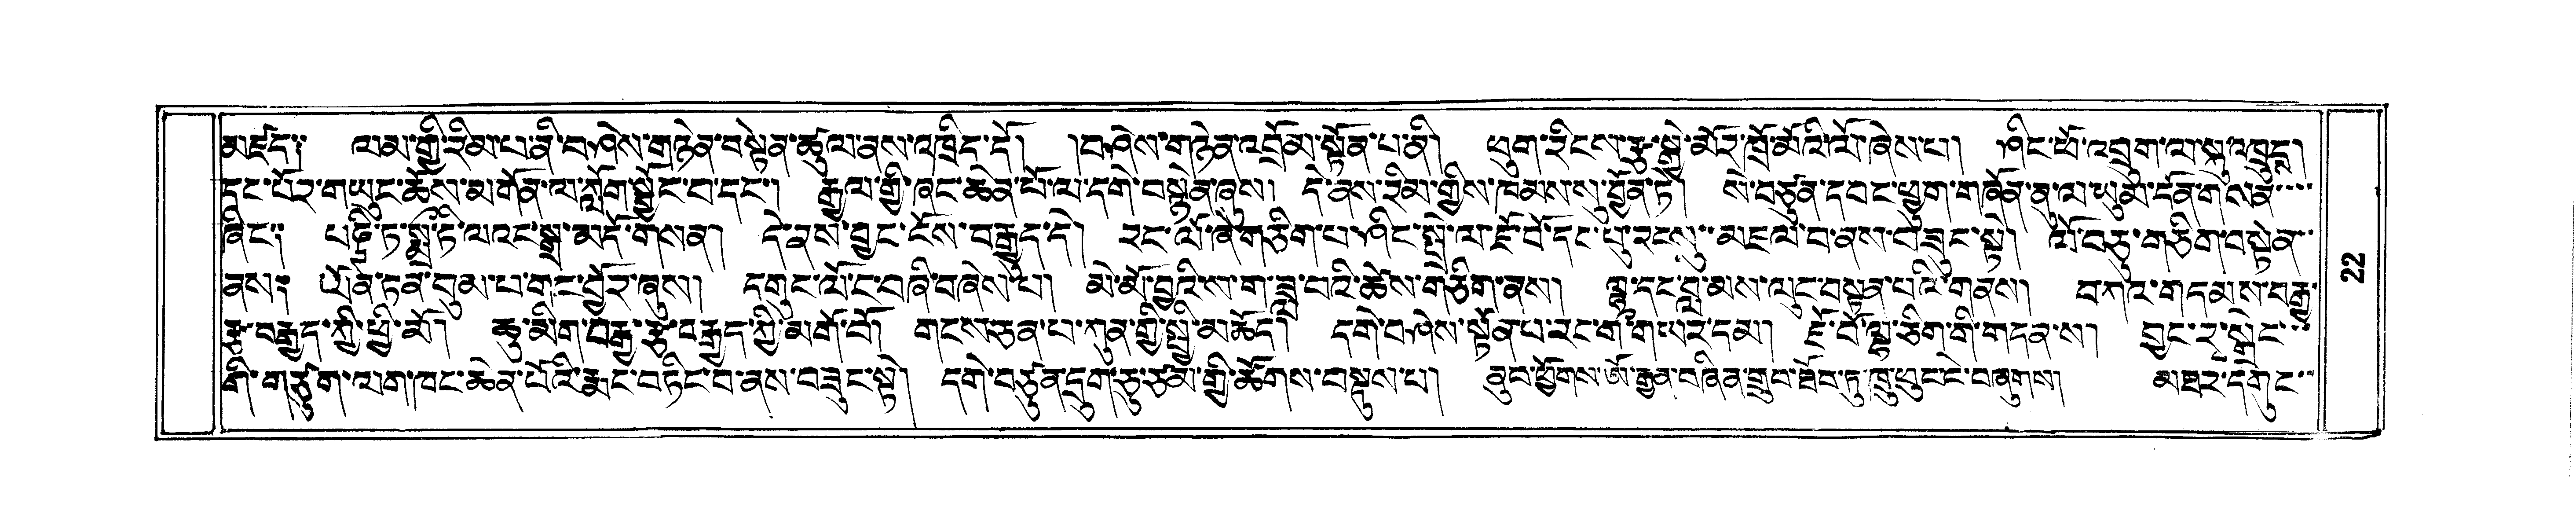མཛད༑ ལམ་གྱི་རིམ་པ་ནི་བཤེས་གཉེན་བསྟེན་ཚུལ་ནས་འཁྲིད་དོ། །བཤེས་གཉེན་འབྲོམ་སྟོན་པ་ནི། ཕུག་རིངས་རྩ་སྒྱེ་མོར་ཁྲོ་མོའི་ལོ་ཞེས་པ། ཤིང་ཕོ་འབྲུག་ལ་སྐུ་འཁྲུངས།
དང་པོར་གཡུང་ཆོས་མགོན་ལ་ཀློག་སྦྱོང་བ་དང་། རྒྱལ་གྱི་ཞང་ཆེན་པོ་ལ་དགེ་བསྙེན་ཞུས། དེ་ནས་རིམ་གྱིས་ཁམས་སུ་བྱོན་ཏེ། སེ་བཙུན་དབང་ཕྱུག་གཞོན་ནུ་ལ་ཡུམ་དོན་གསན་
ཞིང༑ པཎྜི་ཏ་སྨྲྀ་ཏི་ལའང་སྒྲ་མདོ་གསན། དེ་ནས་བྱང་ངོས་བརྒྱུད་དེ། རང་ལོ་ཞེ་གཅིག་པ་ཤིང་སྤྲེ་ལ་ཇོ་བོ་དང་པུ་རང་སུ་མཇལ་བ་ནས་བཟུང་སྟེ། ལོ་བཅུ་གཅིག་བསྟེན་
ནས༑ ཡོན་ཏན་བུམ་པ་གང་བྱོར་ཞུས། དགུང་ལོ་ང་བཞི་བ་ཞེས་པ། མེ་མོ་བྱའི་ས་ག་ཟླ་བའི་ཚེས་གཅིག་ནས། ལྷ་དང་བླ་མས་ལུང་བསྟན་པའི་གནས། བཀའ་གདམས་བརྒྱ་
རྩ་བརྒྱད་ཀྱི་ཕྱི་མོ། ཆུ་མིག་བརྒྱ་རྩ་བརྒྱད་ཀྱི་མགོ་བོ། གངས་ཅན་པ་ཀུན་གྱི་སྤྱི་མཆོད། དགེ་བཤེས་སྟོན་པ་རང་གྀ་གཡར་དམ། ཇོ་བོ་ལྷ་ཅིག་གི་གདན་ས། བྱང་རྭ་སྒྲེང་
གི་གཙུག་ལག་ཁང་ཆེན་པོའི་རྨང་བཏིང་བ་ནས་བཟུང་སྟེ། དགེ་བཙུན་དྲུག་ཅུ་ཙམ་གྱི་ཚོགས་བསྡུས་པ། ནུབ་ཕྱོགས་ཨོ་རྒྱན་བཞིན་གྲུབ་ཐོབ་ཏུ་ཁྲུ་ཕུང་ངེ་བཞུགས། མཐར་དགུང་